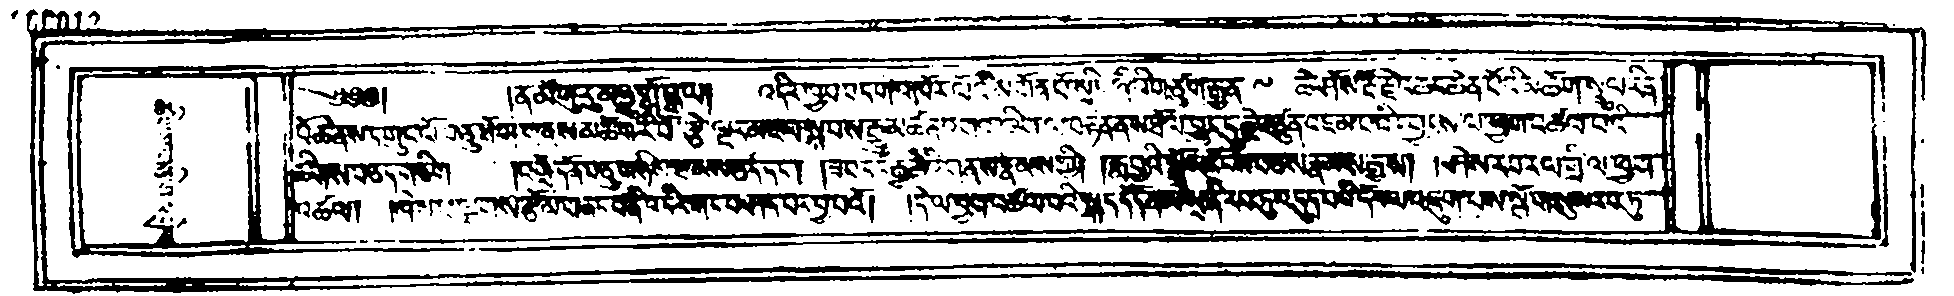༄༅༅། །ན་མོ་གུ་རུ་མཉྫུ་གྷོ་ཥཱ་ཡ། འདིར་ཁྱབ་བདག་འཁོར་ལོའི་མགོན་པོ་སྲིད་ཞིའི་གཙུག་རྒྱན་༧ཆེ་ཤོས་རྡོ་རྗེ་འཆང་ཆེན་པོའི་མཆོག་སྤྲུལ་རིན་
པོ་ཆེ་ནས་དགུང་ལོ་བཅུ་ཐོག་གནས་མཆོག་རི་བོ་རྩེ་ལྔར་མཇལ་སྐབས་རྒྱུ་མཚན་འགའ་ཞིག་ལ་བརྟེན་ནས་ཐོལ་བྱུང་དུ་རྗེ་བཙུན་འཇམ་པའི་དབྱངས་ལ་ཕྱག་འཚལ་བའི་
ཚིགས་བཅད་གཅིག །འགྲོ་དོན་བཅུ་གཉིས་ཐམས་ཅད་དང་། །ཟབ་དང་རྒྱ་ཆེའི་གནས་རྣམས་ཀྱི། །རྨ་བྱའི་སྒྲོ་མདོངས་བཅས་རྣམས་རྒྱས། །ཤེས་རབ་རལ་གྲི་ལ་ཕྱག་
འཚལ། །ཞེས་པ་ལྗགས་རྩོམ་གནང་བ་ནི་འདིར་གང་བཤད་པར་བྱ་བའོ། །དེ་ལ་ཕྱག་འཚལ་བའི་སྐད་དོད་ན་མ་སྲེ་ནི་རབ་ཏུ་འདུད་པའི་དོར་ལ་འཇུག་པས་སྒོ་གསུམ་རབ་ཏུ་